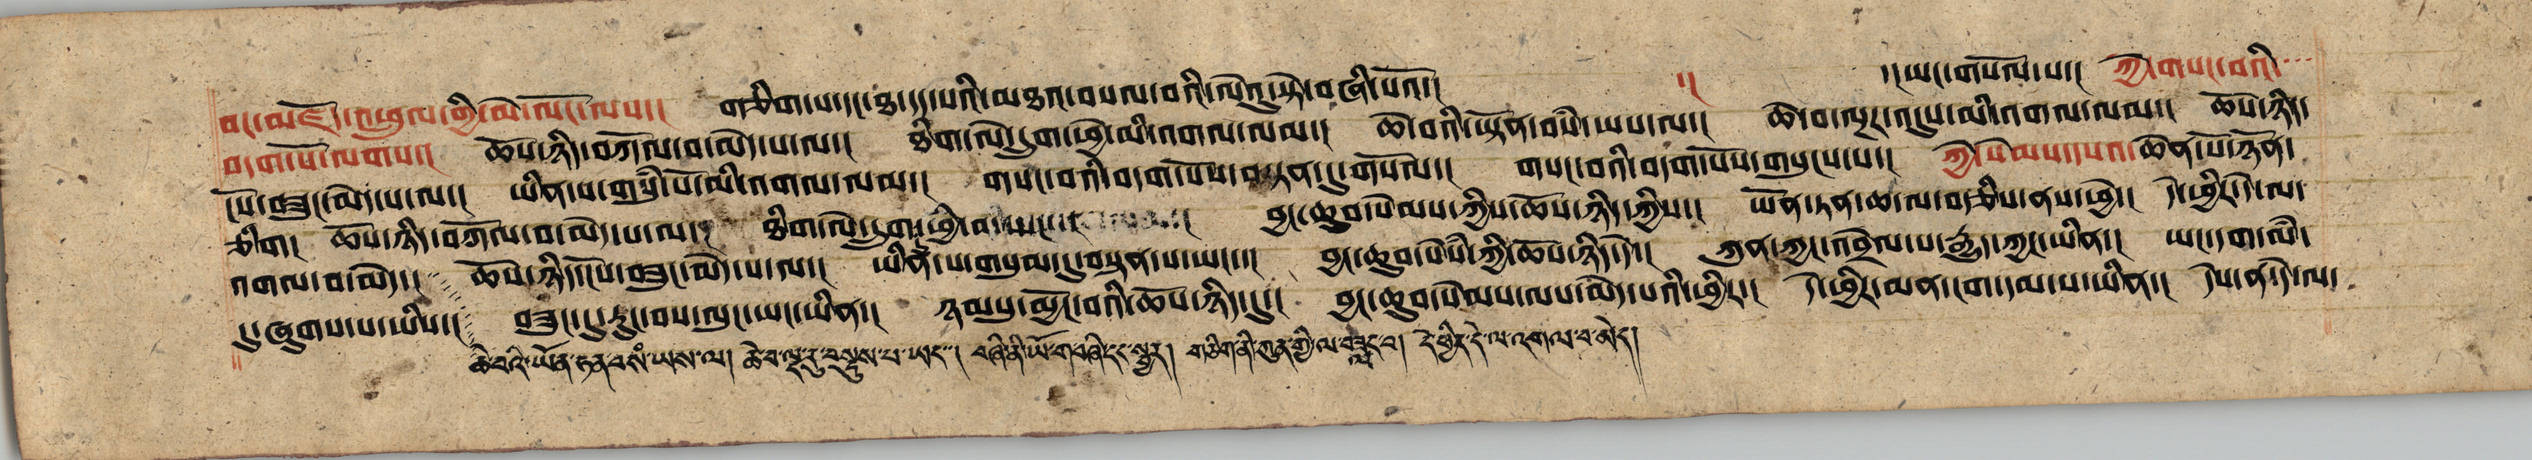བང་མཛོད་འཕྲུལ་གྱི་མེ་ལོང་ལས་། གཅིག་པ་དང་ཐ་དད་པའི་མཐའ་བསལ་བའི་ལེའུ་སྟེ་བཞི་པའོ་། ་། ་།ཡང་གསོལ་པ་། ཀྱེ་གསང་བའི་
བདག་པོ་ལགས་། ཆོས་ཉིད་བཀོལ་བ་མེད་པ་ལ་། ཐིག་ལེ་དྲུག་ཕྱེ་མི་འགལ་ལམ་། ཆེ་བའི་ཡྟོན་བསཾ་ཡས་ལ་། ཆེ་བ་ལྔར་འདུས་མི་འགལ་ལམ་། ཆོས་ཉིད་
ངོས་བཟུང་མེད་པ་ལ་། ཡིན་པ་གསུཾ་པོ་མི་འགལ་ལམ་། གསང་བའི་བདག་པོས་བསྟན་དུ་གསོལ་། གསང་བའི་བདག་པོས་གསུངས་པ་། ཀྱེ་སེམས་དཔའ་ཆེན་པོ་ཉོན་
ཅིག། ཆོས་ཉིད་བཀོལ་བ་མེད་པ་ལ། ཐིག་ལེ་དྲུག་དུ་ཕྱི་ན་ཡང་་། བྱང་ཆུབ་སེམས་ཀྱིས་ཆོས་ཉིད་ཀྱིས་། ཡོན་ཏན་ཆ་ལ་བརྩིས་ནས་ཕྱེ་། དེ་ཕྱིར་དེ་ལ་
འགལ་བ་མེད་། ཆོས་ཉིད་དངོས་བཟུང་མེད་པ་ལ་། ཡིན་པ་གསུམ་དུ་བསྟན་པ་ཡང་་། བྱང་ཆུབ་སེཾས་ཀྱི་ཆོས་ཉིད་དེ་། ཀུན་ཀྱང་འབྲེལ་པ་རྒྱུད་ཀྱང་ཡིན་། ཡང་དག་ལཾ་
དུ་ཞུགས་པ་ཡིས་། བཟུང་དུ་རུང་བས་ལུང་ཡང་ཡིན་། ཉམསུ་མྱོང་བའི་ཆོས་ཉིད་དུ་། བྱང་ཆུབ་སེམས་ལས་མེད་པའི་ཕྱིར་། དེ་ཕྱིར་མན་ངག་དམ་པ་ཡིན་། དེས་ན་དེ་ལ་
ཆེ་བའི་ཡོན་ཏན་བསཾ་ཡས་ལ། ཆེ་བ་ལྔ་རུ་བསྡུས་པ་ཡང་། བཞི་ནི་ཡོ་ག་བཞི་དང་སྦྱར། གཅིག་ནི་ཀུན་གྱི་ལ་བཟླེང་བ། དེ་ཕྱིར་དེ་ལ་འགལ་